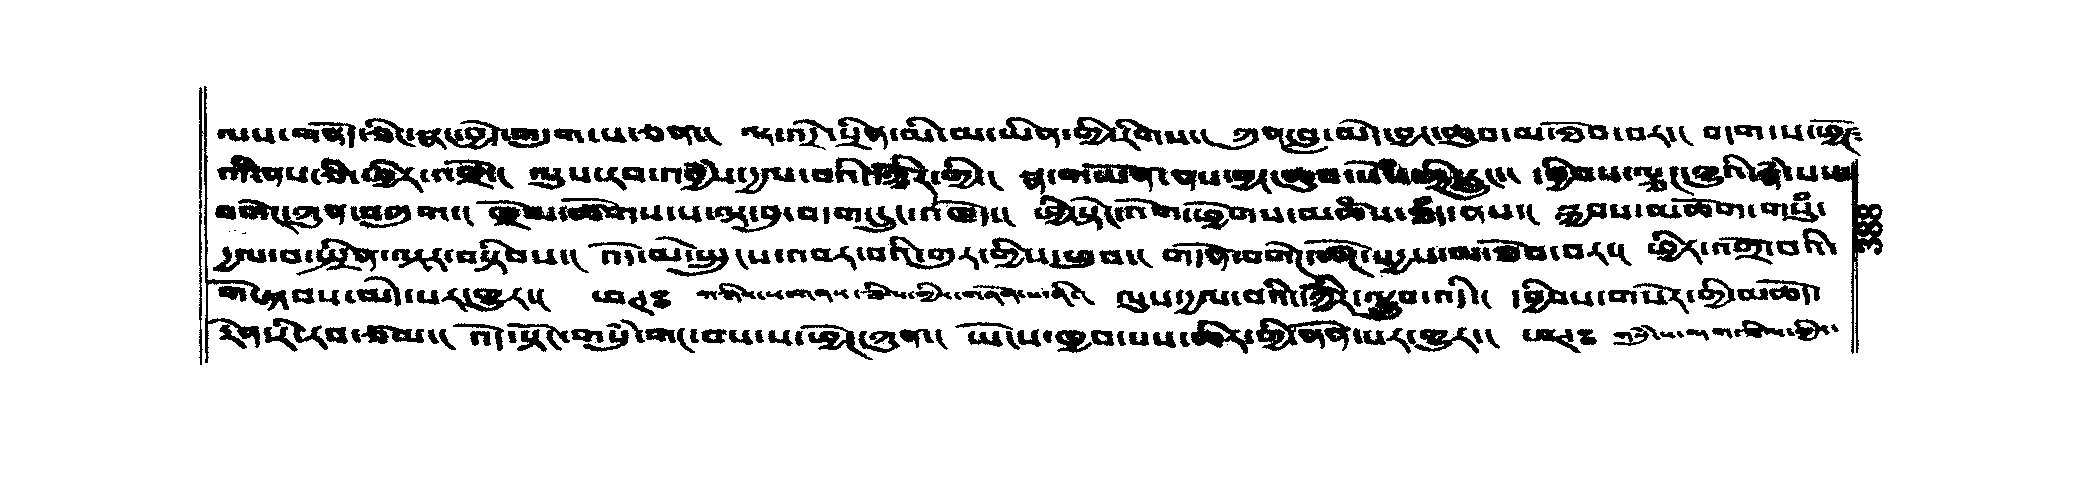ལས་གནོད་ཅིང་སྣང་བྱེད་གདུག་པ་ཅན། །ལྷ་འདྲེ་སྲིན་མི་མ་ཡིན་གྱི་རིགས། ཀུན་བླ་མེད་བྱང་ཆུབ་མ་ཐོབ་པར། །བདག་ས་ཕྱོགས་
འདི་ནས་ཅི་ཕྱིར་འགྲོ་།ལུས་རབ་འབྱམས་རྒྱལ་བའི་དཀྱིལ་འཁོར་གྱི། །སྣ་གཡོན་ནས་བྱང་ཆུབ་སེམས་ཀྱི་རླུང་། །དབྱིབས་ལྕགས་ཀྱུའི་རྣམ་པ་
བགེགས་ཀུན་བཀུག་།ཁྲོམ་ཚོགས་ས་ལྟ་བུ་བདག་དྲུང་འཁོད། །ཕྱི་སྟེང་འོག་ཕྱོགས་མཚམས་ཐམས་ཅད་ནས། །སྐྱབས་མཆོག་གསུམ་
རྒྱལ་བ་སྤྲིན་ལྟར་བསྟིབས། །འོད་མེ་སྤུངས་འབར་བའི་གུར་གྱིས་ཕུབ། །གདོན་གེགས་ཚོགས་སངས་རྒྱས་མ་ཐོབ་པར། །ཕྱིར་འགྲོ་བའི་
གོ་སྐབས་མེད་པར་གྱུར།ཕཊཿགཉིས་པ་གནས་ཟིལ་གྱི་